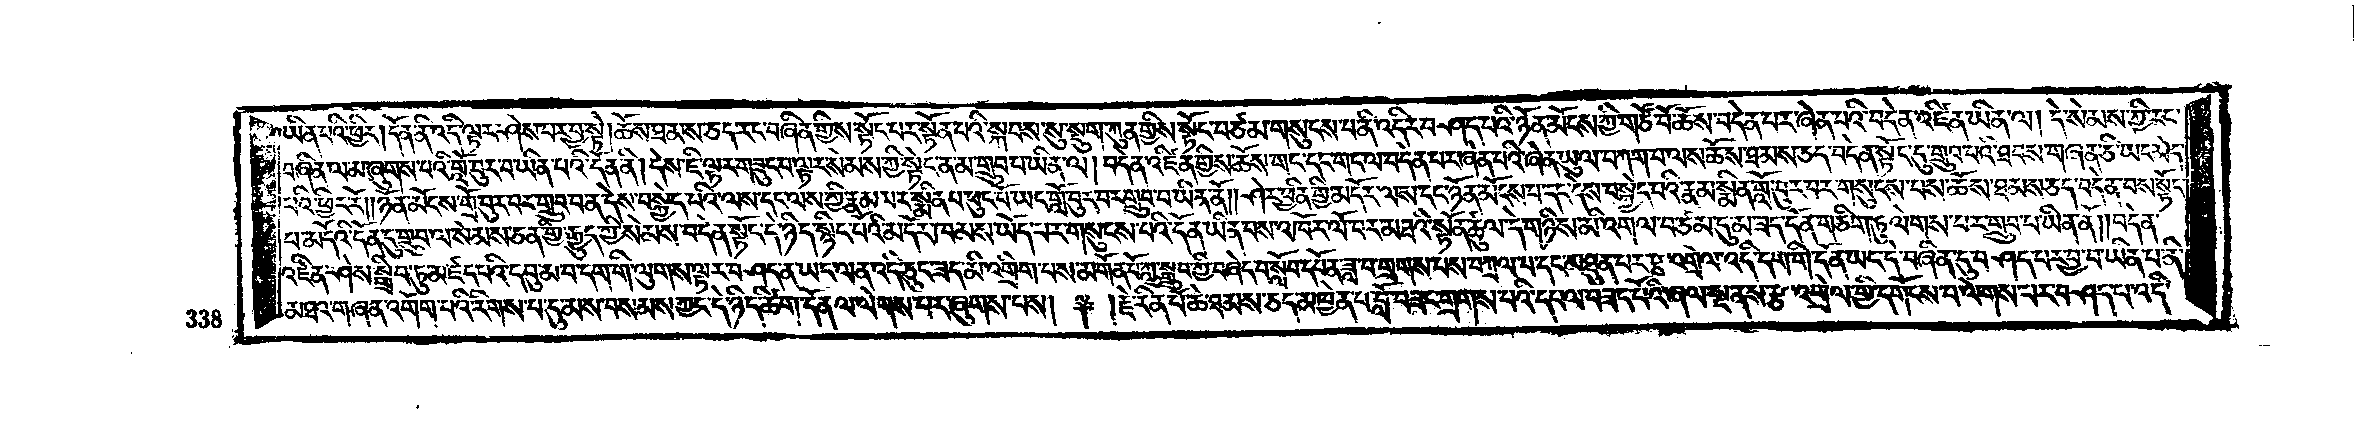ཡིན་པའི་ཕྱིར། དོན་ནི་འདི་ལྟར་ཤེས་པར་བྱ་སྟེ། ཆོས་ཐམས་ཅད་རང་བཞིན་གྱིས་སྟོང་པར་སྟོན་པའི་སྐབས་སུ་སྡུག་ཀུན་གྱིས་སྟོང་པ་ཙམ་གསུངས་པ་ནི་འདིར་བཤད་པའི་ཉོན་མོངས་ཀྱི་གཙོ་བོ་ཆོས་བདེན་པར་ཞེན་པའི་བདེན་འཛིན་ཡིན་ལ། དེ་སེམས་ཀྱི་རང་
བཞིན་ལ་མ་ཞུགས་པའི་གློ་བུར་བ་ཡིན་པའི་དོན་ནི། དེས་ཇི་ལྟར་གཟུང་བ་ལྟར་སེམས་ཀྱི་སྟེང་ན་མ་གྲུབ་པ་ཡིན་ལ། བདེན་འཛིན་གྱིས་ཆོས་གང་དང་གང་ལ་བདེན་པར་ཞེན་པའི་ཞེན་ཡུལ་བཀག་པ་ལས་ཆོས་ཐམས་ཅད་བདེན་སྟོང་དུ་གྲུབ་པའི་ཐབས་གཞན་ཅི་ཡང་མེད་
པའི་ཕྱིར་རོ། །ཉོན་མོངས་གྲོ་བུར་བར་གྲུབ་པ་ན་དེས་བསྐྱེད་པའི་ལས་དང་ལས་ཀྱི་རྣམ་པར་སྨིན་པ་ཕུང་པོ་ཡང་གློ་བུར་བར་གྲུབ་པ་ཡིན་ནོ། །ཤེར་ཕྱིན་གྱི་མདོར་ལས་དང་ཉོན་མོངས་པ་དང་དེས་བསྐྱེད་པའི་རྣམ་སྨིན་གློ་བུར་བར་གསུངས་པས་ཆོས་ཐམས་ཅད་བདེན་པས་སྟོང་
བ་མདོའི་དོན་དུ་གྲུབ་ལ་སེམས་ཅན་གྱི་རྒྱུད་ཀྱི་སེམས་བདེན་སྟོང་དེ་ཉིད་སྙིང་པོའི་མདོར་ཁམས་ཡོད་པར་གསུངས་པའི་དོན་ཡིན་པས་འཁོར་ལོ་བར་མཐའི་སྟོན་ཚུལ་དེ་གཉིས་མི་འགལ་བ་ཙམ་དུ་མ་ཟད་དོན་གཅིག་ཏུ་ལེགས་པར་གྲུབ་པ་ཡིན་ནོ། །བདེན་
འཛིན་ཤེས་སྒྲིབ་ཏུ་མཛད་པའི་དབུ་མ་པ་དག་གི་ལུགས་ལྟར་བཤད་ན་ཡང་ལན་འདི་ཅུང་ཟད་མི་འགྲིག་པས་མགོན་པོ་ཀླུ་སྒྲུབ་ཀྱི་བཞེད་པ་སློབ་དཔོན་ཟླ་བ་གྲགས་པས་བཀྲལ་བ་དང་མཐུན་པར་རྩ་འགྲེལ་འདི་དག་གི་དོན་ཡང་དེ་བཞིན་དུ་བཤད་པར་བྱ་བ་ཡིན་པ་ནི་
མཐའ་གཞན་འགོག་པའི་རིགས་པ་དུ་མས་བསམས་ཀྱང་དེ་ཉིད་ཚིག་དོན་ལ་ལེགས་པར་ཞུགས་པས། ༈ །རྗེ་རིན་པོ་ཆེ་ཐམས་ཅད་མཁྱེན་པ་བློ་བཟང་གྲགས་པའི་དཔལ་བཟང་པོའི་ཞལ་སྔ་ནས་རྩ་འགྲེལ་གྱི་དགོངས་པ་ལེགས་པར་བཤད་པ་འདི་